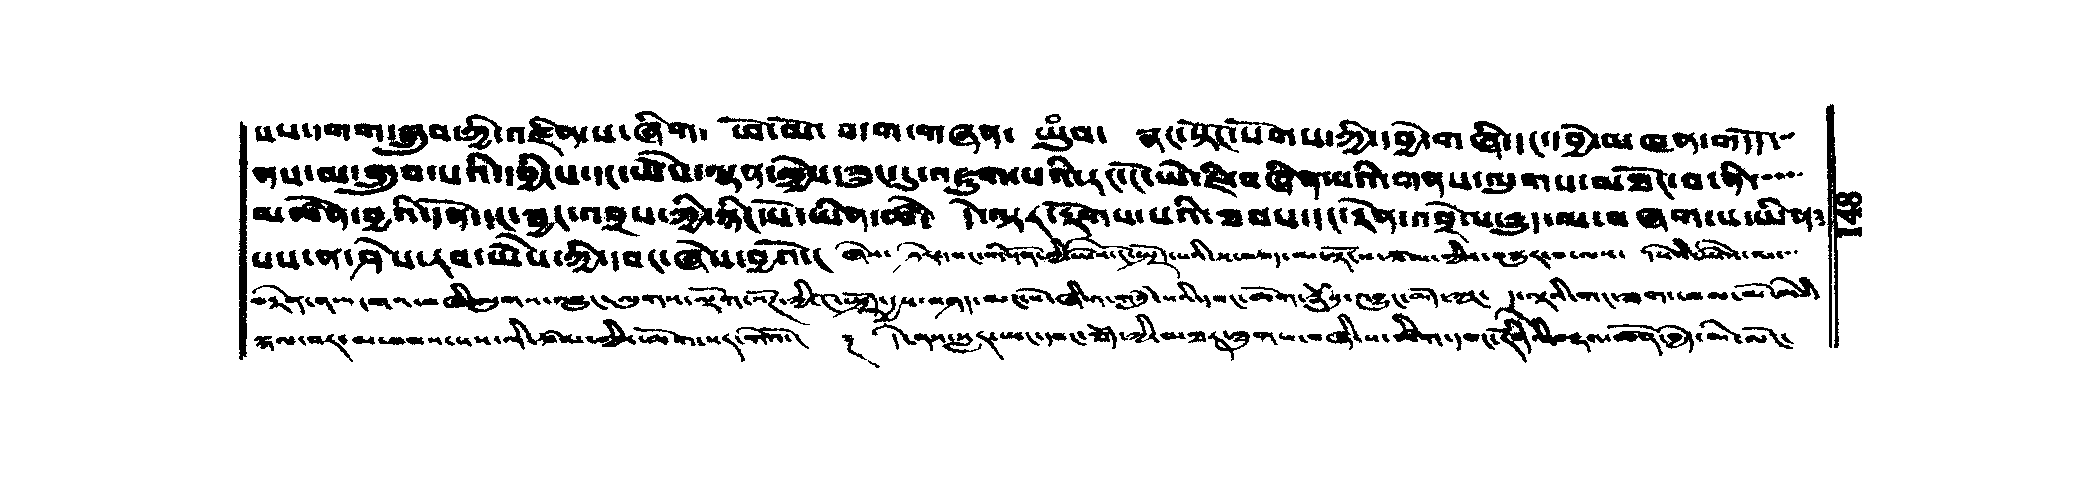པས་དགག་སྒྲུབ་ཀྱི་འཛིན་པ་ཞིག ཕོ་མོ། བདག་གཞན། ཡབ་ཡུམ། སྣང་སྟོང་སོགས་ཀྱི་དབྱེ་གཞི་དང་དབྱེ་མཁན་གདོད་
ནས་མ་གྲུབ་པའི་དབྱིངས་དང་ཡེ་ཤེས་ལྷན་ཐུགས་རྗེ་ཟུང་དུ་འཇུག་པའི་རང་ངོ་ཡེ་ཇི་བཞིན་པའི་གནས་ལུགས་མཐོང་བ་ནི་
མཚོན་བྱའི་དོན་དང་སྦྱང་འབྲས་ཀྱི་སྙིང་པོ་ཡིན་ཚེ། དེ་ལྟར་རྟོགས་པའི་ཐབས་དང་རྟེན་འབྲེལ་རྒྱུད་ལ་བཞག་པ་ཡིན་
པས་ན་ཤེས་རབ་ཡེ་ཤེས་ཀྱི་དབང་ཞེས་བྱའོ། ཞེས། ཤེར་དབང་གི་དོན་གྱི་ཡེ་ཤེས་ངོ་སྤྲོད་པའི་ས་བཅད་མ་ལྟོངས་ཙམ་གྱིས་བསྐུར་བ་ལས། དཔེའི་ཡེ་ཤེས་ལ་
བརྟེན་ནས་དགའ་བཞི་ལུགས་འབྱུང་ལུགས་ལྡོག་སོགས་ཀྱི་ངོ་སྤྲོད་རྒྱས་བཤད་མང་པོ་ཞིག་གསུམ་པའི་དབང་ཆོག་རྣམས་སུ་འབྱུང་མོད་ཀྱང་།ད་ལྟའི་གང་ཟག་ཕལ་མོ་ཆེའི་
སྐལ་བར་མ་བབས་པས་འདི་ཙམ་གྱིས་ཆོག་པར་དགེའོ། ༈ དེ་ནས་སླར་ཡང་དབང་ཐམས་ཅད་ཀྱི་མཐར་ཐུགས་བཞི་པ་ཚིག་དབང་རིན་པོ་ཆེའི་བརྡ་མཚོན་བྱེད་མེ་ལོང་